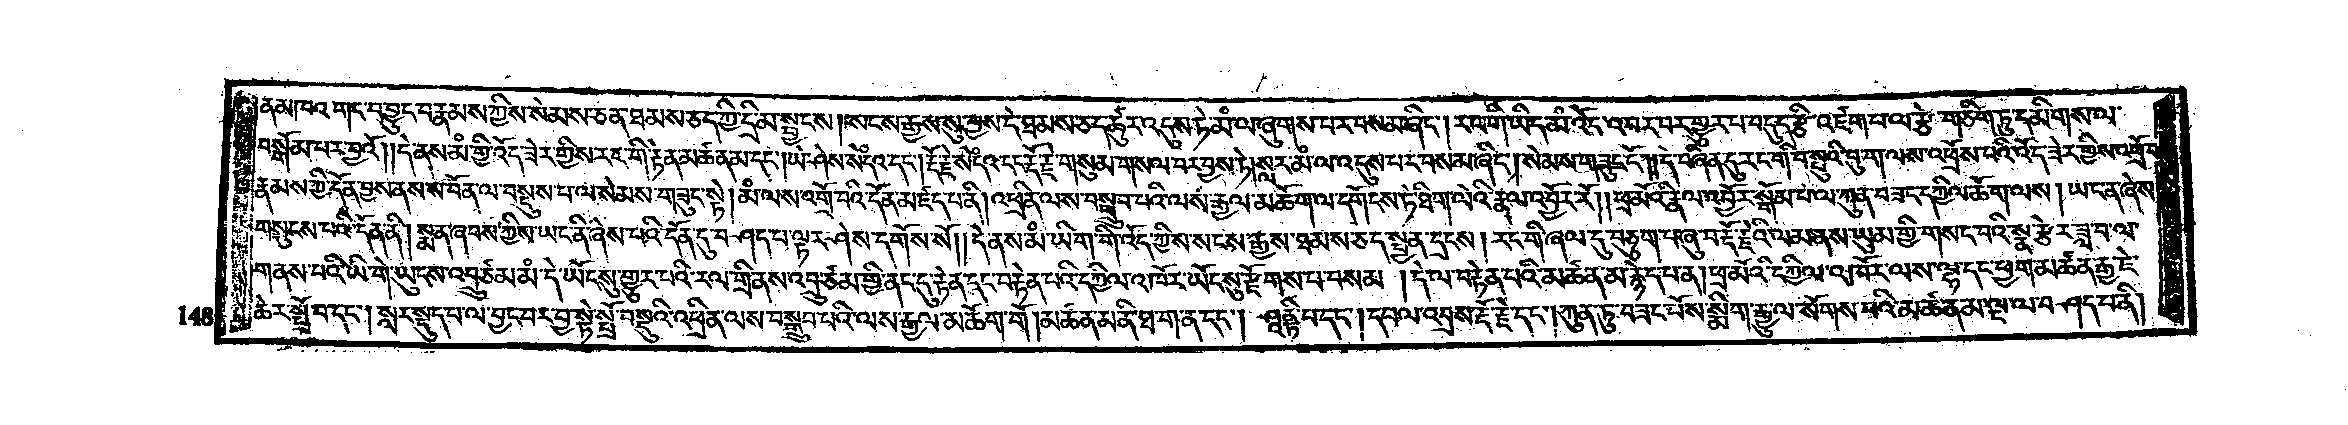ནམ་མཁའ་གང་བ་བྱུང་བ་རྣམས་ཀྱིས་སེམས་ཅན་ཐམས་ཅད་ཀྱི་དྲི་མ་སྦྱངས། སངས་རྒྱས་སུ་བྱས་དེ་ཐམས་ཅད་ཚུར་འདུས་ཏེ་མཾ་ལ་ཞུགས་པར་བསམ་ཞིང་། རང་གི་ཡིད་མཾ་འོད་འབར་བར་གྱུར་པ་བདུད་རྩི་འཛག་པ་ལ་རྩེ་གཅིག་ཏུ་དམིགས་ལ་
བསྒོམ་པར་བྱའོ། །དེ་ནས་མཾ་གྱི་འོད་ཟེར་གྱིས་རང་གི་རྟེན་མཚན་མ་དང་། ཡེ་ཤེས་སེམས་དཔའ་དང་། རྡོ་རྗེ་སེམས་དཔའ་དང་རྡོ་རྗེ་གསུམ་གསལ་བར་བྱས་ཏེ། སླར་མཾ་ལ་འདུས་པར་བསམ་ཞིང་། སེམས་གཟུང་ངོ། །དེ་བཞིན་དུ་རང་གི་བ་སྤུའི་བུ་ག་ལས་འཕྲོས་པའི་འོད་ཟེར་གྱིས་འགྲོ་བ་
རྣམས་ཀྱི་དོན་བྱས་ནས་ས་བོན་ལ་བསྡུས་པ་ལ་སེམས་གཟུང་སྟེ། མཾ་ལས་འགྲོ་བའི་དོན་མཛད་པ་ནི། འཕྲིན་ལས་བསྒྲུབ་པའི་ལས་རྒྱལ་མཆོག་ལ་དགོངས་ཏེ་ཐིག་ལེའི་རྣལ་འབྱོར་རོ། །ཕྲ་མོའི་རྣལ་འབྱོར་སྒོམ་པ་ལ་ཀུན་བཟང་དཀྱིལ་ཆོག་ལས། ཡང་ན་ཞེས་
གསུངས་པའི་དོན་ནི། སྨན་ཞབས་ཀྱིས་ཡང་ནི་ཞེས་པའི་དོན་དུ་བཤད་པ་ལྟར་ཤེས་དགོས་སོ། །དེ་ནས་མཾ་ཡིག་གི་འོད་ཀྱིས་སངས་རྒྱས་ཐམས་ཅད་སྤྱན་དྲངས། རང་གི་ཞལ་དུ་བཅུག་པ་ཞུ་བ་རྡོ་རྗེའི་ལམ་ནས་ཡུམ་གྱི་གསང་བའི་སྣ་རྩེར་ཟླ་བ་ལ་
གནས་པའི་ཡི་གེ་ཡུངས་འབྲུ་ཙམ་མཾ་དེ་ཡོངས་སུ་གྱུར་པའི་རལ་གྲི་ནས་འབྲུ་ཙམ་གྱི་ནང་དུ་རྟེན་དང་བརྟེན་པའི་དཀྱིལ་འཁོར་ཡོངས་སུ་རྫོགས་པ་བསམ། དེ་ལ་བརྟེན་པའི་མཚན་མ་རྙེད་པ་ན། ཕྲ་མོའི་དཀྱིལ་འཁོར་ལས་ལྷ་དང་ཕྱག་མཚན་རྒྱ་ཇེ་
ཆེར་སྤྲོ་བ་དང་། སླར་སྡུད་པ་ལ་བྱང་བར་བྱ་སྟེ་སྤྲོ་བསྡུའི་འཕྲིན་ལས་བསྒྲུབ་པའི་ལས་རྒྱལ་མཆོག་གོ །མཚན་མ་ནི་ཐ་ག་ན་དང་། ཤཱནྟི་པ་དང་། དཔལ་འབྲས་རྡོ་རྗེ་དང་། ཀུན་ཏུ་བཟང་པོས་སྨིག་རྒྱུ་ལ་སོགས་པའི་མཚན་མ་ལྔ་ལ་བཤད་པ་ནི།